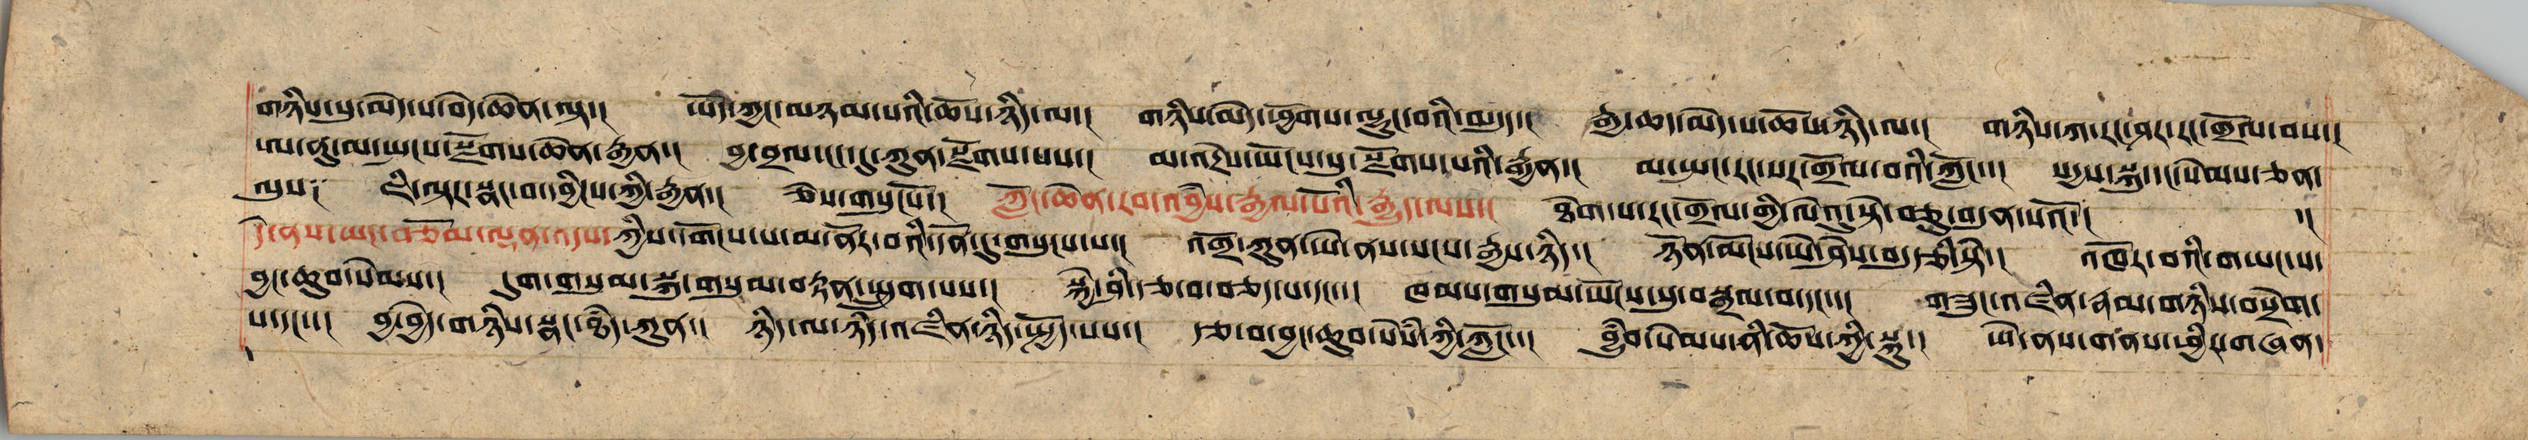གཉིས་སུ་མེད་པ་བདེ་ཆེན་ལྟ་། ཡོད་ཀྱང་མཉམ་པའི་ཆོས་ཉིད་ལ་། གཉིས་མེད་ཕྱོགས་ལྷུང་བའི་མདུད་། རྒྱ་ཆད་མེད་པ་ཆོས་ཉིད་ལ་། གཉིས་ཀ་རང་ཤར་རང་གྲོལ་བས་།
ཨ་ནུ་མ་སྤངས་སྫོགས་ཆེན་རྒྱན་། བྱ་བྲལ་ངང་དུ་ཀུན་སྫོགས་པས་། མ་འདྲེས་ཡོངས་སུ་སྫོགས་པའི་རྒྱན་། མ་སྤང་རང་སར་གྲོལ་བའི་ཀློང་་། སདྱས་སྐུ་དང་སེམས་ཅན་
ལུས་༑ ཇི་ལྟར་སྣང་བ་དབྱིངས་ཀྱི་རྒྱན་། ཅེས་གསུངསོ་། ཀློང་ཆེན་རབ་འབྱཾས་རྒྱལ་པོའི་རྒྱུད་ལས་། ཐེག་པ་རང་གྲོལ་གྱི་ལེའུ་སྟེ་བཅུ་བདུན་པའོ་། ་།
དེ་ནས་ཡང་བཅོམ་ལྡན་འདས་ཀྱིས་དགོངས་པ་མ་ནོར་བའི་དོན་དུ་གསུངས་པ་། འགྲོ་ཀུན་ཡེ་ནས་སངས་རྒྱས་ཉིད་། ཉོན་མོངས་ཡེ་ཤེས་བདུད་རྩི་སྟེ་། འཁོར་བའི་གཡང་ས་
བྱང་ཆུབ་སེམས་། དུག་གསུམ་སྐུ་གསུམ་བརྟན་སྤྲུག་པས་། སྐྱེ་ཤི་རྩ་བ་བཅད་པ་དང་་། ཁམས་གསུམ་ཡོངས་སུ་བསྒྲལ་བ་དང་་། གཟུང་འཛིན་རྣམ་གཉིས་བསྲེག་
པ་དང་་། བྱ་བྱེད་གཉིས་སྣང་ཐཾད་ཀུན་། ཉིད་ལ་ཉིད་འཛིན་ཉིད་སྤྱོད་པས་། རྩ་བ་བྱང་ཆུབ་སེཾས་ཀྱི་ཀློང་་། བྱུཾབ་སེམས་ནི་ཆོས་ཀྱི་སྐུ་། ཡེ་ནས་གནས་ཕྱིར་གཞན་